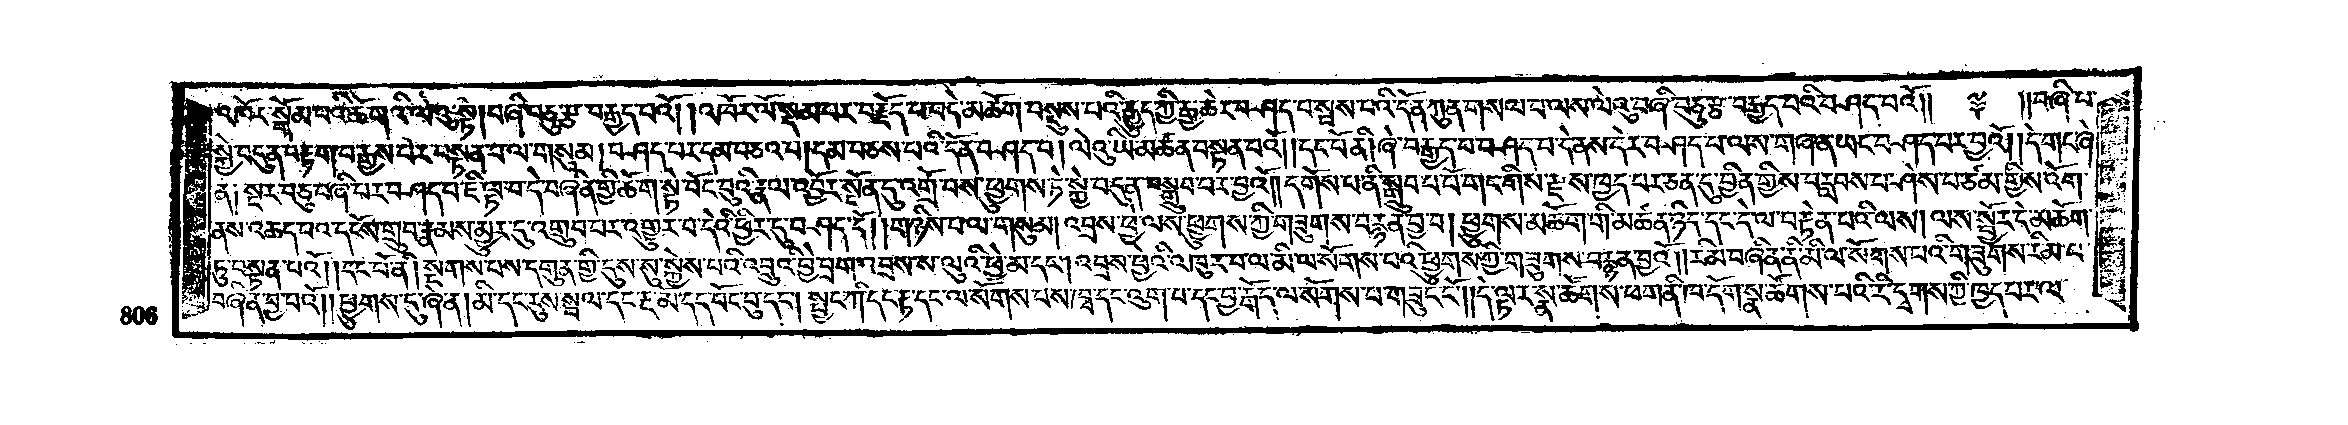འཁོར་སྒོམ་པའི་ཆོ་གའི་ལེའུ་སྟེ། བཞི་བཅུ་རྩ་བརྒྱད་པའོ། །འཁོར་ལོ་སྡམ་པར་བརྗོད་པ་བདེ་མཆོག་བསྡུས་པའི་རྒྱུད་ཀྱི་རྒྱ་ཆེར་བཤད་པ་སྦས་པའི་དོན་ཀུན་གསལ་བ་ལས་ལེའུ་བཞི་བཅུ་རྩ་བརྒྱད་པའི་བཤད་པའོ།། ༈ །།བཞི་པ་
སྐྱེ་བདུན་བརྟག་པ་རྒྱས་པར་བསྟན་པ་ལ་གསུམ། བཤད་པར་དམ་བཅའ་བ། དམ་བཅས་པའི་དོན་བཤད་པ། ལེའུ་ཡི་མཚན་བསྟན་པའོ། །དང་པོ་ནི། ཞེ་བརྒྱད་པ་བཤད་པ་དེ་ནས་དེར་བཤད་པ་ལས་གཞན་ཡང་བཤད་པར་བྱའོ། །དེ་གང་ཞེ་
ན། སྔར་བཅུ་བཞི་པར་བཤད་པ་ཇི་ལྟ་བ་དེ་བཞིན་གྱི་ཆོ་ག་སྟེ་བོང་བུའི་རྣལ་འབྱོར་སྔོན་དུ་འགྲོ་བས་ཕྱུགས་ཏེ་སྐྱེ་བདུན་བསྒྲུབ་པར་བྱའོ། །དགོས་པ་ནི་སྒྲུབ་པ་པོ་གང་གིས་རྫས་ཁྱད་པར་ཅན་དུ་བྱིན་གྱིས་བརླབས་པ་ཤེས་པ་ཙམ་གྱིས་འོག་
ནས་འཆད་པའི་དངོས་གྲུབ་རྣམས་མྱུར་དུ་འགྲུབ་པར་འགྱུར་བ་དེའི་ཕྱིར་དུ་བཤད་དོ། །གཉིས་པ་ལ་གསུམ། འབྲས་ཕྱེ་ལས་ཕྱུགས་ཀྱི་གཟུགས་བརྙན་བྱ་བ། ཕྱུགས་མཆོག་གི་མཚན་ཉིད་དང་དེ་ལ་བརྟེན་པའི་ལས། ལས་སྦྱོར་དེ་མཆོག་
ཏུ་བསྟན་པའོ། །དང་པོ་ནི། སྔགས་པས་དགུན་གྱི་དུས་སུ་སྐྱེས་པའི་འབྲུའི་བྱེ་བྲག་འབྲས་ས་ལུའི་ཕྱེ་མ་དང་། འབྲས་ཕྱེའི་འཁུར་བ་ལ་མི་ལ་སོགས་པའི་ཕྱུགས་ཀྱི་གཟུགས་བརྙན་བྱའོ། །རིམ་བཞིན་ནི་མི་ལ་སོགས་པའི་གཟུགས་རིམ་པ་
བཞིན་བྱ་བའོ། །ཕྱུགས་དུ་ཞེ་ན། མི་དང་རུས་སྤལ་དང་རྔ་མོ་དད་བོང་བུ་དང་། སྤྱང་ཀི་དང་རྟ་དང་ལ་སོགས་པས་ཁྭ་དང་འུག་པ་དང་བྱ་རྒོད་ལ་སོགས་པ་གཟུང་ངོ། །དེ་ལྟར་སྣ་ཚོགས་ཕག་ནི་ཁ་དོག་སྣ་ཚོགས་པའི་རི་དྭགས་ཀྱི་ཁྱད་པར་ལ་